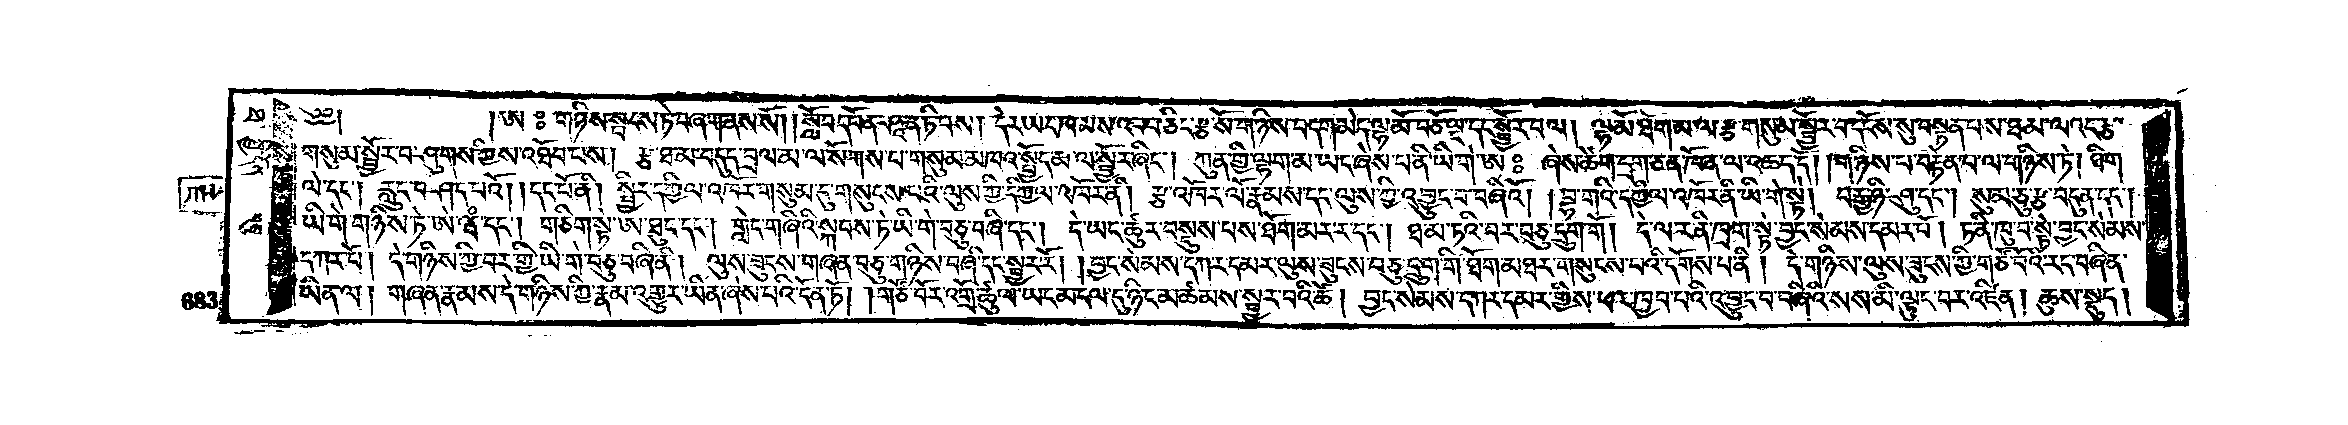༄༅། །ཨཿ གཉིས་སྤངས་ཏེ་བཞག་ནས་སོ། །སློབ་དཔོན་ཤཱན་ཏི་པས། དེར་ཡང་ཁམས་འབབ་ཅིང་རྩ་སོ་གཉིས་བདག་མེད་ལྷ་མོ་བཅོ་ལྔ་དང་སྦྱོར་བ་ལ། ལྷ་མོ་ཐོག་མ་ལ་རྩ་གསུམ་སྦྱོར་བ་དངོས་སུ་བསྟན་པས་ཐ་མ་ལའང་རྩ་
གསུམ་སྦྱོར་བ་ཤུགས་ཀྱིས་འཐོབ་པས། རྩ་ཐ་མ་བདུད་བྲལ་མ་ལ་སོགས་པ་གསུམ་མཁའ་སྤྱོད་མ་ལ་སྦྱོར་ཞིང་། ཀུན་གྱི་ལྷག་མ་ཡང་ཞེས་པ་ནི་ཡི་གེ་ཨཿ ཞེས་ཚིག་དྲག་ཅན་ཁོ་ན་ལ་འཆད་དོ། །གཉིས་པ་བརྟེན་པ་ལ་གཉིས་ཏེ། ཐིག་
ལེ་དང་། རླུང་བཤད་པའོ། །དང་པོ་ནི། སྤྱིར་དཀྱིལ་འཁོར་གསུམ་དུ་གསུངས་པའི་ལུས་ཀྱི་དཀྱིལ་འཁོར་ནི། རྩ་འཁོར་ལོ་རྣམས་དང་ལུས་ཀྱི་འབྱུང་བ་བཞིའོ། །བྷ་གའི་དཀྱིལ་འཁོར་ནི་ཡི་གེ་སྟེ། བརྒྱ་ཉི་ཤུ་དང་། སུམ་ཅུ་རྩ་བདུན་དང་།
ཡི་གེ་གཉིས་ཏེ་ཨེ་ཝཾ་དང་། གཅིག་སྟེ་ཨ་ཐུང་དང་། གླེང་གཞིའི་སྐབས་ཏེ་ཡི་གེ་བཅུ་བཞི་དང་། དེ་ཡང་ཚུར་བསྡུས་པས་ཐོག་མར་ར་དང་། ཐ་མ་ཏའི་བར་བཅུ་དྲུག་གོ །དེ་ལ་ར་ནི་ཁྲག་སྟེ་བྱང་སེམས་དམར་པོ། ཏ་ནི་ཁུ་བ་སྟེ་བྱང་སེམས་
དཀར་པོ། དེ་གཉིས་ཀྱི་བར་གྱི་ཡི་གེ་བཅུ་བཞི་ནི། ལུས་ཟུངས་གཞན་བཅུ་གཉིས་བཞི་དང་སྦྱར་རོ། །བྱང་སེམས་དཀར་དམར་ལུས་ཟུངས་བཅུ་དྲུག་གི་ཐོག་མཐར་གསུངས་པའི་དགོས་པ་ནི། དེ་གཉིས་ལུས་ཟུངས་ཀྱི་གཙོ་བོའི་རང་བཞིན་
ཡིན་ལ། གཞན་རྣམས་དེ་གཉིས་ཀྱི་རྣམ་འགྱུར་ཡིན་ཞེས་པའི་དོན་ཏོ། །གཙོ་བོར་འགྲོ་ཚུལ་ཡང་མངལ་དུ་ཉིང་མཚམས་སྦྱར་བའི་ཚེ། བྱང་སེམས་དཀར་དམར་གྱིས་ཕར་ཁྱབ་པའི་འབྱུང་བ་བཞིའི་སས་མི་ལྟུང་བར་འཛིན། ཆུས་སྡུད།